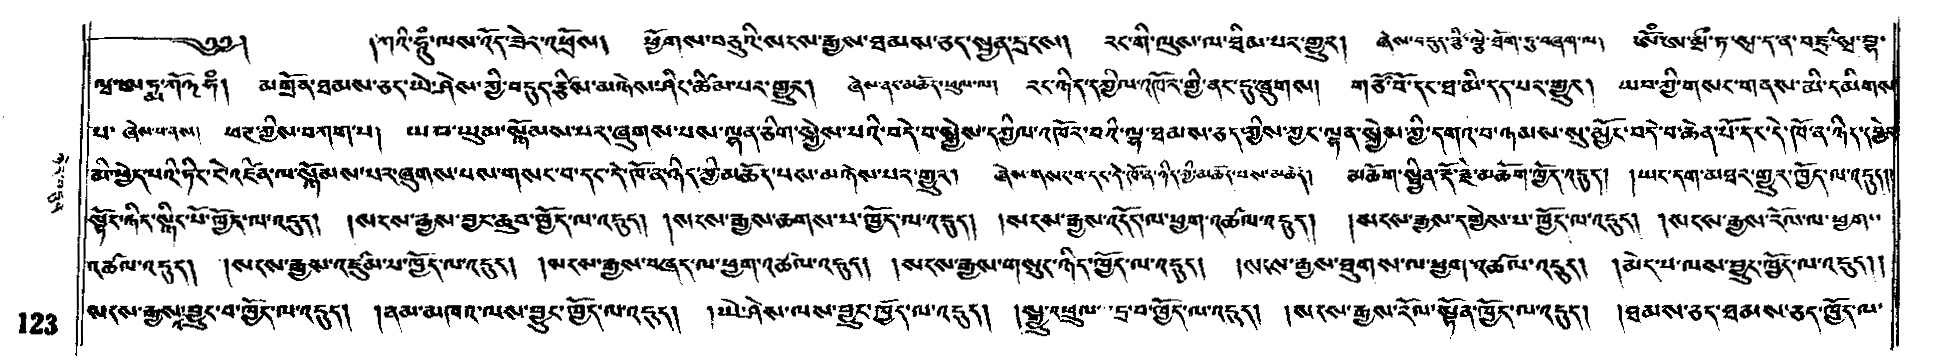༄༅། །ཀའི་ཧཱུཾ་ལས་འོད་ཟེར་འཕྲོས། ཕྱོགས་བཅུའི་སངས་རྒྱས་ཐམས་ཅད་སྤྱན་དྲངས། རང་གི་ལུས་ལ་ཐིམ་པར་གྱུར། ཞེས་བདུད་རྩི་ལྕེ་ཐོག་ཏུ་བཞག་ལ།  ཨོཾ་ཨ་མྲྀ་ཏ་སྭ་ད་ན་བཛྲ་སྭ་བྷ་
ཝ་ཨཏྨ་ཀོཉྷཾ། མགྲོན་ཐམས་ཅད་ཡེ་ཤེས་ཀྱི་བདུད་རྩིས་མཉེས་ཤིང་ཚིམ་པར་གྱུར། ཞེས་ནང་མཆོད་ཕུལ་ལ།  རང་ཉིད་དཀྱིལ་འཁོར་གྱི་ནང་དུ་ཞུགས། གཙོ་བོ་དང་ཐ་མི་དད་པར་གྱུར། ཡབ་ཀྱི་གསང་གནས་མི་དམིགས་
པ་ཞེས་པ་ནས།  ཕཊ་ཀྱིས་བཀག་པ། ཡབ་ཡུམ་སྙོམས་པར་ཞུགས་པས་ལྷན་ཅིག་སྐྱེས་པའི་བདེ་བ་སྐྱེས་དཀྱིལ་འཁོར་བའི་ལྷ་ཐམས་ཅད་ཀྱིས་ཀྱང་ལྷན་སྐྱེས་ཀྱི་དཀའ་བ་ཉམས་སུ་མྱོང་བདེ་བ་ཆེན་པོ་དང་དེ་ཁོ་ན་ཉིད་དབྱེར་
མི་ཕྱེད་པའི་ཏིང་ངེ་འཛིན་ལ་སྙོམས་པར་ཞུགས་པས་གསང་བ་དང་དེ་ཁོ་ན་ཉིད་ཀྱི་མཆོད་པས་མཉེས་པར་གྱུར། ཞེས་གསང་བ་དང་དེ་ཁོ་ན་ཉིད་ཀྱི་མཆོད་པས་མཆོད།  མཆོག་སྦྱིན་རྡོ་རྗེ་མཆོག་ཁྱོད་འདུད། །ཡང་དག་མཐར་གྱུར་ཁྱོད་ལ་འདུད།།
སྟོང་ཉིད་སྙིང་པོ་ཁྱོད་ལ་འདུད། །སངས་རྒྱས་བྱང་ཆུབ་ཁྱོད་ལ་འདུད། །སངས་རྒྱས་ཆགས་པ་ཁྱོད་ལ་འདུད། །སངས་རྒྱས་འདོད་ལ་ཕྱག་འཚལ་འདུད། །སངས་རྒྱས་དགྱེས་པ་ཁྱོད་ལ་འདུད། །སངས་རྒྱས་རོལ་ལ་ཕྱག་
འཚལ་འདུད། །སངས་རྒྱས་འཛུམ་པ་ཁྱོད་ལ་འདུད། །སངས་རྒྱས་བཞད་ལ་ཕྱག་འཚལ་འདུད། །སངས་རྒྱས་གསུང་ཉིད་ཁྱོད་ལ་འདུད། །སངས་རྒྱས་ཐུགས་ལ་ཕྱག་འཚལ་འདུད། །མེད་པ་ལས་བྱུང་ཁྱོད་ལ་འདུད།།
སངས་རྒྱས་འབྱུང་བ་ཁྱོད་ལ་འདུད། །ནམ་མཁའ་ལས་བྱུང་ཁྱོད་ལ་འདུད། །ཡེ་ཤེས་ལས་བྱུང་ཁྱོད་ལ་འདུད། །སྒྱུ་འཕྲུལ་དྲ་བ་ཁྱོད་ལ་འདུད། །སངས་རྒྱས་རོལ་སྟོན་ཁྱོད་ལ་འདུད། །ཐམས་ཅད་ཐམས་ཅད་ཁྱོད་ལ་